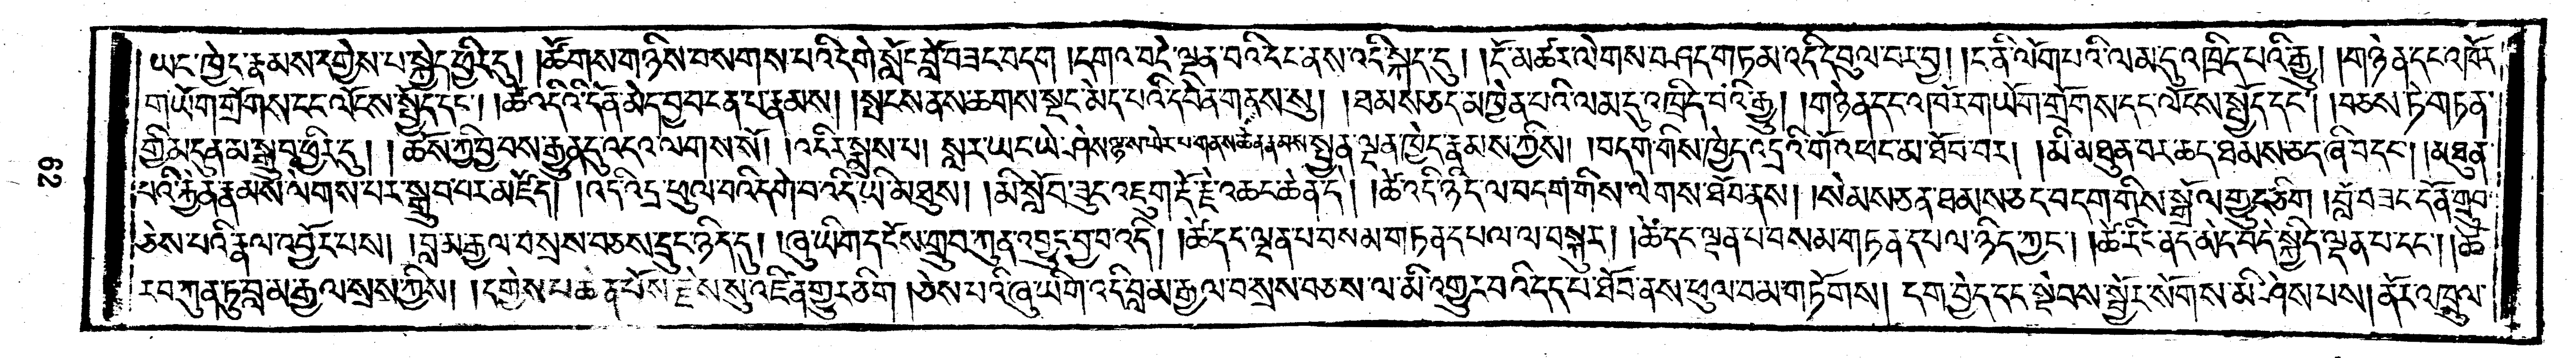ཡང་ཁྱེད་རྣམས་དགྱེས་པ་སྐྱེད་ཕྱིར་དུ། །ཚོགས་གཉིས་བསགས་པའི་དགེ་སློང་བློ་བཟང་བདག །དགའ་བདེ་ལྡན་བའི་དང་ནས་འདི་སྐད་དུ། །ངོ་མཚར་ལེགས་བཤད་གཏམ་འདི་དབུལ་བར་བྱ། །ད་ནི་ལོག་པའི་ལམ་དུ་འཁྲིད་པའི་རྒྱུ། །གཉེན་དང་འཁོར་
གཡོག་གྲོགས་ངང་ལོངས་སྤྱོད་དང་། །ཚེ་འདིའི་དོན་མེད་བྱ་བ་ངན་པ་རྣམས། །སྤངས་ནས་ཆགས་སྡང་མེད་པའི་དབེན་གནས་སུ། །ཐམས་ཅད་མཁྱེན་པའི་ལམ་དུ་འཁྲིད་བའི་རྒྱུ། །གཉེན་དང་འཁོར་གཡོག་གྲོགས་དང་ལོངས་སྤྱོད་དང་། །བཅས་ཏེ་གཏན་
གྱི་མདུན་མ་སྒྲུབ་ཕྱིར་དུ། །ཆོས་ཀྱི་བྱ་བས་རྒྱུན་དུ་འདའ་ལགས་སོ། །འདིར་སྨྲས་པ། སླར་ཡང་ཡེ་ཤེས་ལྷ་ས་ཡེར་པ་གནས་ཆེན་རྣམས་སྤྱན་ལྡན་ཁྱེད་རྣམས་ཀྱིས། །བདག་གིས་ཁྱེད་འདྲའི་གོ་འཕང་མ་ཐོབ་བར། །མི་མཐུན་བར་ཆད་ཐམས་ཅད་ཞི་བ་དང་། །མཐུན་
པའི་རྐྱེན་རྣམས་ལེགས་པར་སྒྲུབ་པར་མཛོད། །འདི་འདྲ་ཕུལ་བའི་དགེ་བ་འདི་ཡི་མཐུས། །མི་སློབ་ཟུང་འཇུག་རྡོ་རྗེ་འཆང་ཆེན་དེ། །ཚེ་འདི་ཉིད་ལ་བདག་གིས་ལེགས་ཐོབ་ནས། །སེམས་ཅན་ཐམས་ཅད་བདག་གིས་སྒྲོལ་གྱུང་ཅིག །བློ་བཟང་དོན་གྲུབ་
ཅེས་པའི་རྣལ་འབྱོར་པས། །བླ་མ་རྒྱལ་བ་སྲས་བཅས་དྲུང་ཉིད་དུ། །ཞུ་ཡིག་དངོས་གྲུབ་ཀུན་འབྱུང་བྱ་བ་འདི། །ཚེ་དང་ལྡན་པ་བསམ་གཏན་དཔལ་ལ་བསྐུར། །ཚེ་དང་ལྡན་པ་བསམ་གཏན་དཔལ་ཉིད་ཀྱང་། །ཚེ་རིང་ནད་མེད་བདེ་སྐྱིད་ལྡན་པ་དང་། །ཚེ་
རབ་ཀུན་ཏུ་བླ་མ་རྒྱལ་སྲས་ཀྱིས། །དགྱེས་པ་ཆེན་པོས་རྗེས་སུ་འཛིན་གྱུར་ཅིག །ཅེས་པའི་ཞུ་ཡིག་འདི་བླ་མ་རྒྱལ་བ་སྲས་བཅས་ལ་མི་འགྱུར་བའི་དད་པ་ཐོབ་ནས་ཕུལ་བ་མ་གཏོགས། དག་བྱེད་དང་སྡེབས་སྦྱོར་སོགས་མི་ཤེས་པས། ནོར་འཁྲུལ་